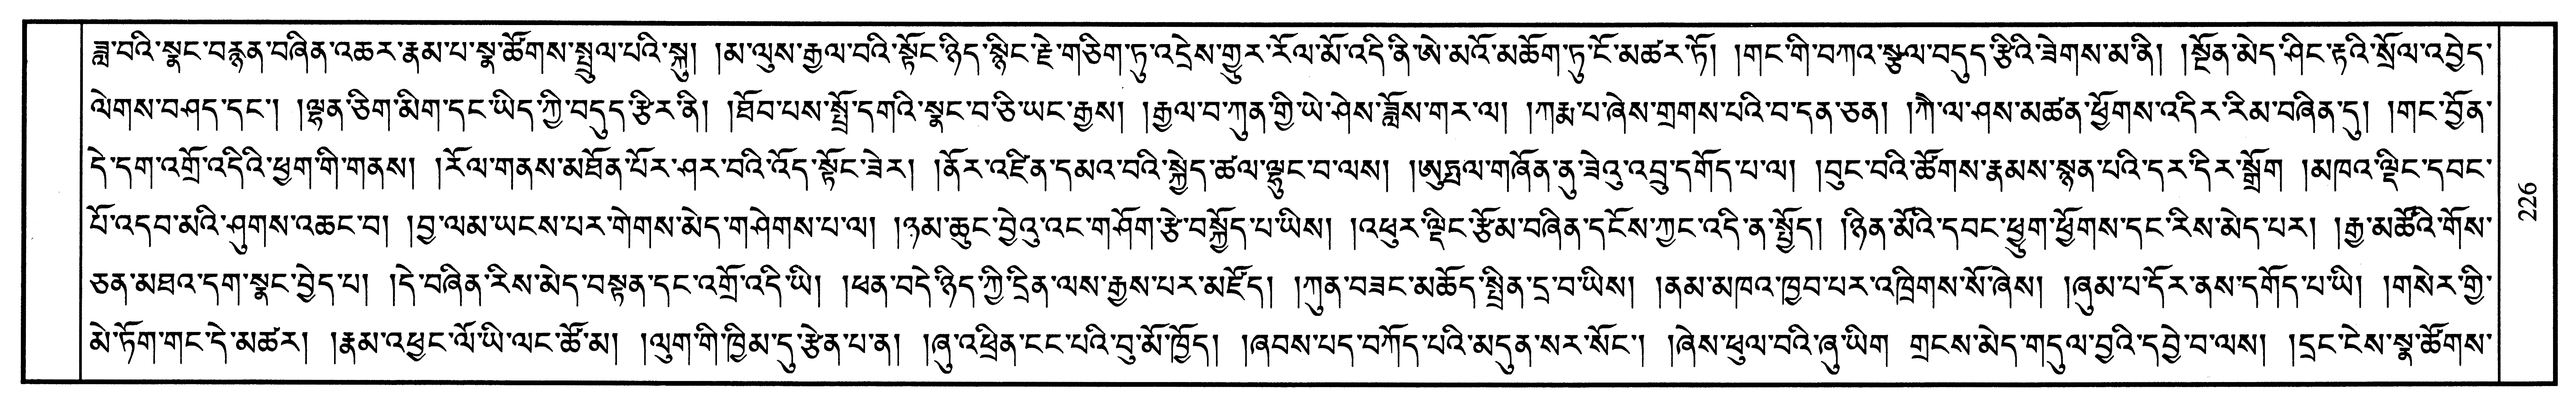ཟླ་བའི་སྣང་བརྙན་བཞིན་འཆར་རྣམ་པ་སྣ་ཚོགས་སྤྲུལ་པའི་སྐུ། །མ་ལུས་རྒྱལ་བའི་སྟོང་ཉིད་སྙིང་རྗེ་གཅིག་ཏུ་འདྲེས་གྱུར་རོལ་མོ་འདི་ནི་ཨེ་མའོ་མཆོག་ཏུ་ངོ་མཚར་ཏོ། །གང་གི་བཀའ་སྩལ་བདུད་རྩིའི་ཟེགས་མ་ནི། །སྔོན་མེད་ཤིང་རྟའི་སྲོལ་འབྱེད་
ལེགས་བཤད་དང་། །ལྷན་ཅིག་མིག་དང་ཡིད་ཀྱི་བདུད་རྩིར་ནི། །ཐོབ་པས་སྤྲོ་དགའི་སྣང་བ་ཅི་ཡང་རྒྱས། །རྒྱལ་བ་ཀུན་གྱི་ཡེ་ཤེས་ཟློས་གར་ལ། །ཀརྨ་པ་ཞེས་གྲགས་པའི་བ་དན་ཅན། །ཀཻ་ལ་ཤས་མཚན་ཕྱོགས་འདིར་རིམ་བཞིན་དུ། །གང་བྱོན་
དེ་དག་འགྲོ་འདིའི་ཕྱག་གི་གནས། །རོལ་གནས་མཐོན་པོར་ཤར་བའི་འོད་སྟོང་ཟེར། །ནོར་འཛིན་དམའ་བའི་སྐྱེད་ཚལ་ལྷུང་བ་ལས། །ཨུཏྤལ་གཞོན་ནུ་ཟེའུ་འབྲུ་དགོད་པ་ལ། །བུང་བའི་ཚོགས་རྣམས་སྙན་པའི་དར་དིར་སྒྲོག །མཁའ་ལྡིང་དབང་
པོ་འདབ་མའི་ཤུགས་འཆང་བ། །བྱ་ལམ་ཡངས་པར་གེགས་མེད་གཤེགས་པ་ལ། །ཉམ་ཆུང་བྱེའུ་འང་གཤོག་རྩེ་བསྐྱོད་པ་ཡིས། །འཕུར་ལྡིང་རྩོམ་བཞིན་དངོས་ཀྱང་འདི་ན་སྤྱོད། །ཉིན་མོའི་དབང་ཕྱུག་ཕྱོགས་དང་རིས་མེད་པར། །རྒྱ་མཚོའི་གོས་
ཅན་མཐའ་དག་སྣང་བྱེད་པ། །དེ་བཞིན་རིས་མེད་བསྟན་དང་འགྲོ་འདི་ཡི། །ཕན་བདེ་ཉིད་ཀྱི་དྲིན་ལས་རྒྱས་པར་མཛོད། །ཀུན་བཟང་མཆོད་སྤྲིན་དྲ་བ་ཡིས། །ནམ་མཁའ་ཁྱབ་པར་འཁྲིགས་སོ་ཞེས། །ཞུམ་པ་དོར་ནས་དགོད་པ་ཡི། །གསེར་གྱི་
མེ་ཏོག་གང་དེ་མཚར། །རྣམ་འཕྱང་ལོ་ཡི་ལང་ཚོ་མ། །ལུག་གི་ཁྱིམ་དུ་རྩེན་པ་ན། །ཞུ་འཕྲིན་ངང་པའི་བུ་མོ་ཁྱོད། །ཞབས་པད་བཀོད་པའི་མདུན་སར་སོང་། །ཞེས་ཕུལ་བའི་ཞུ་ཡིག་གྲངས་མེད་གདུལ་བྱའི་དབྱེ་བ་ལས། །དྲང་ངེས་སྣ་ཚོགས་